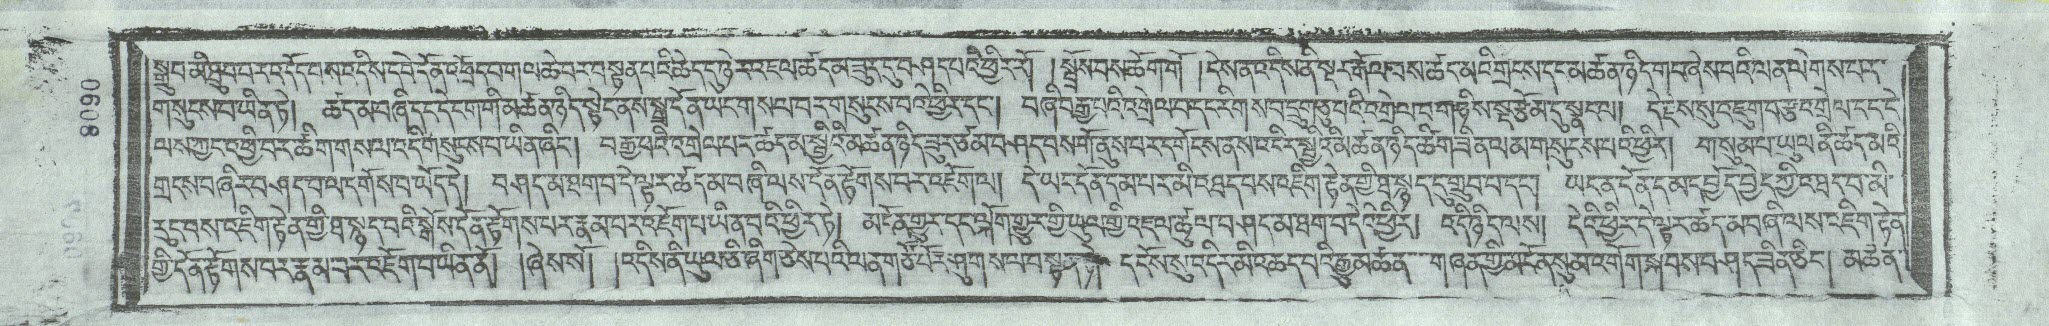སྒྲུབ་མི་ཐུབ་པར་འདོད་པས་འདིས་དཔེ་དོན་འཕྲོད་བ་གལ་ཆེ་བར་བསྟན་པའི་ཆེད་དུ་ཉེར་འཇལ་ཚད་མ་ཟུར་དུ་བཤད་པའི་ཕྱིར་རོ། །སྤྲོས་བས་ཆོག་གོ །དེས་ན་འདིས་ནི་སྔར་རྒོལ་བས་ཚང་མའི་གྲངས་དང་མཚན་ཉིད་གང་ཞེས་པའི་ལན་ལེགས་པར་
གསུངས་པ་ཡིན་ཏེ། ཚད་མ་བཞི་དང་དེ་ངག་གི་མཚན་ཉིད་སྟེང་ནས་སྒྲ་དོན་ཡང་གསལ་བར་གསུངས་པའི་ཕྱིར་དང་། བཞི་བརྒྱ་པའི་འགྲེལ་བ་དང་རིགས་པ་དྲུག་ཅུ་པའི་འགྲེལ་བ་གཉིས་སྔ་རྩོམ་དུ་སྣང་ལ། དེ་རྗེས་སུ་འཇུག་བ་རྩ་འགྲེལ་དང་དེ་
ལས་ཀྱང་འཕྱི་བར་ཚིག་གསལ་འདི་གསུངས་པ་ཡིན་ཞིང་། བརྒྱ་པའི་འགྲེལ་བར་ཚད་མ་སྤྱིའི་མཚན་ཉིད་ཟུར་ཙམ་བཤད་བས་གོ་ནུས་པར་དགོངས་ནས་འདིར་སྤྱིའི་མཚན་ཉིད་ཚིག་ཟིན་ལམ་གསུངས་པའི་ཕྱིར། གསུམ་པ་ཡུལ་ནི་ཚད་མའི་
གྲངས་བཞིར་བཤད་པ་ལ་དགོས་པ་ཡོད་དེ། བཤད་མ་ཐག་བ་དེ་ལྟར་ཚད་མ་བཞི་ལས་དོན་རྟོགས་པར་འཇོག་ལ། དེ་ཡང་དོན་དམ་པར་མི་འཐད་པས་འཇིག་རྟེན་གྱི་ཐ་སྙད་དུ་གྲུབ་པ་དང་། ཡང་ན་དོན་དམ་དཔྱོད་བྱེད་ཀྱི་འཐད་བ་མི་
རུང་བས་འཇིག་རྟེན་གྱི་ཐ་སྙད་པའི་སྒོས་དོན་རྟོགས་པར་རྣམ་པར་འཇོག་པ་ཡིན་པའི་ཕྱིར་ཏེ། མངོན་གྱུར་དང་ལྐོག་གྱུར་གྱི་ཡུལ་གྱི་འཇལ་ཚུལ་བཤད་མ་ཐག་བ་དེའི་ཕྱིར། འདི་ཉིད་ལས། དེའི་ཕྱིར་དེ་ལྟར་ཚད་མ་བཞི་ལས་འཇིག་རྟེན་
གྱི་དོན་རྟོགས་པར་རྣམ་པར་འཇོག་པ་ཡིན་ནོ། །ཞེས་སོ། །འདིས་ནི་ཡུལ་ཅི་ཞིག་ཅེས་པའི་ལན་གཙོ་བོར་ཤུགས་ལ་བསྟན་ཏེ། དངོས་སུ་འདིར་མི་འཆད་པའི་རྒྱུ་མཚན་གཞན་གྱི་མངོན་སུམ་འགོག་སྐབས་བཤད་ཟིན་ཅིང་། མཚན་